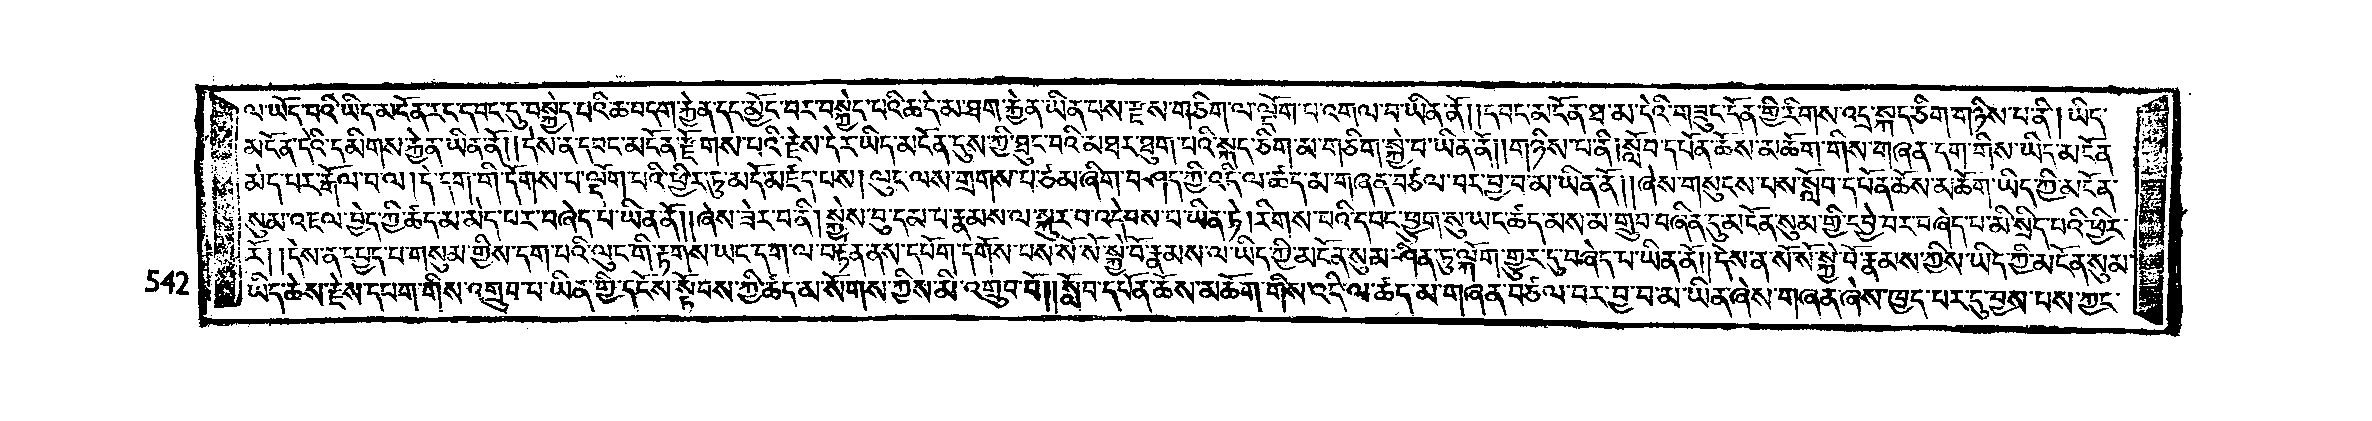ལ་ཡོད་པའི་ཡིད་མངོན་རང་དབང་དུ་བསྐྱེད་པའི་ཆ་བདག་རྐྱེན་དང་མྱོང་བར་བསྐྱེད་པའི་ཆ་དེ་མ་ཐག་རྐྱེན་ཡིན་པས་རྫས་གཅིག་ལ་ལྡོག་པ་འགལ་བ་ཡིན་ནོ། །དབང་མངོན་ཐ་མ་དེའི་གཟུང་དོན་གྱི་རིགས་འདྲ་སྐད་ཅིག་གཉིས་པ་ནི། ཡིད་
མངོན་དེའི་དམིགས་རྐྱེན་ཡིན་ནོ། །དེས་ན་དབང་མངོན་རྫོགས་པའི་རྗེས་དེར་ཡིད་མངོན་དུས་ཀྱི་ཐུང་བའི་མཐར་ཐུག་པའི་སྐད་ཅིག་མ་གཅིག་སྐྱེ་བ་ཡིན་ནོ། །གཉིས་པ་ནི། སློབ་དཔོན་ཆོས་མཆོག་གིས་གཞན་དག་གིས་ཡིད་མངོན་
མེད་པར་རྒོལ་བ་ལ། དེ་དག་གི་དོགས་པ་ལྡོག་པའི་ཕྱིར་ཏུ་མདོ་མཛད་པས། ལུང་ལས་གྲགས་པ་ཙམ་ཞིག་བཤད་ཀྱི་འདི་ལ་ཚད་མ་གཞན་བཙལ་བར་བྱ་བ་མ་ཡིན་ནོ། །ཞེས་གསུངས་པས་སློབ་དཔོན་ཆོས་མཆོག་ཡིད་ཀྱི་མངོན་
སུམ་འཇལ་བྱེད་ཀྱི་ཚད་མ་མེད་པར་བཞེད་པ་ཡིན་ནོ། །ཞེས་ཟེར་བ་ནི། སྐྱེས་བུ་དམ་པ་རྣམས་ལ་སྐུར་བ་འདེབས་པ་ཡིན་ཏེ། རིགས་པའི་དབང་ཕྱུག་སུ་ཡང་ཚད་མས་མ་གྲུབ་བཞིན་དུ་མངོན་སུམ་གྱི་དབྱེ་བར་བཞེད་པ་མི་སྲིད་པའི་ཕྱིར་
རོ། །དེས་ན་དཔྱད་པ་གསུམ་གྱིས་དག་པའི་ལུང་གི་རྟགས་ཡང་དག་ལ་བརྟེན་ནས་དཔོག་དགོས་པས་སོ་སོ་སྐྱེ་བོ་རྣམས་ལ་ཡིད་ཀྱི་མངོན་སུམ་ཤིན་ཏུ་ལྐོག་གྱུར་དུ་བཞེད་པ་ཡིན་ནོ། །དེས་ན་སོ་སོ་སྐྱེ་བོ་རྣམས་ཀྱིས་ཡིད་ཀྱི་མངོན་སུམ་
ཡིད་ཆེས་རྗེས་དཔག་གིས་འགྲུབ་པ་ཡིན་གྱི་དངོས་སྟོབས་ཀྱི་ཚད་མ་སོགས་ཀྱིས་མི་འགྲུབ་བོ། །སློབ་དཔོན་ཆོས་མཆོག་གིས་འདི་ལ་ཚད་མ་གཞན་བཙལ་བར་བྱ་བ་མ་ཡིན་ཞེས་གཞན་ཞེས་ཁྱད་པར་དུ་བྱས་པས་ཀྱང་